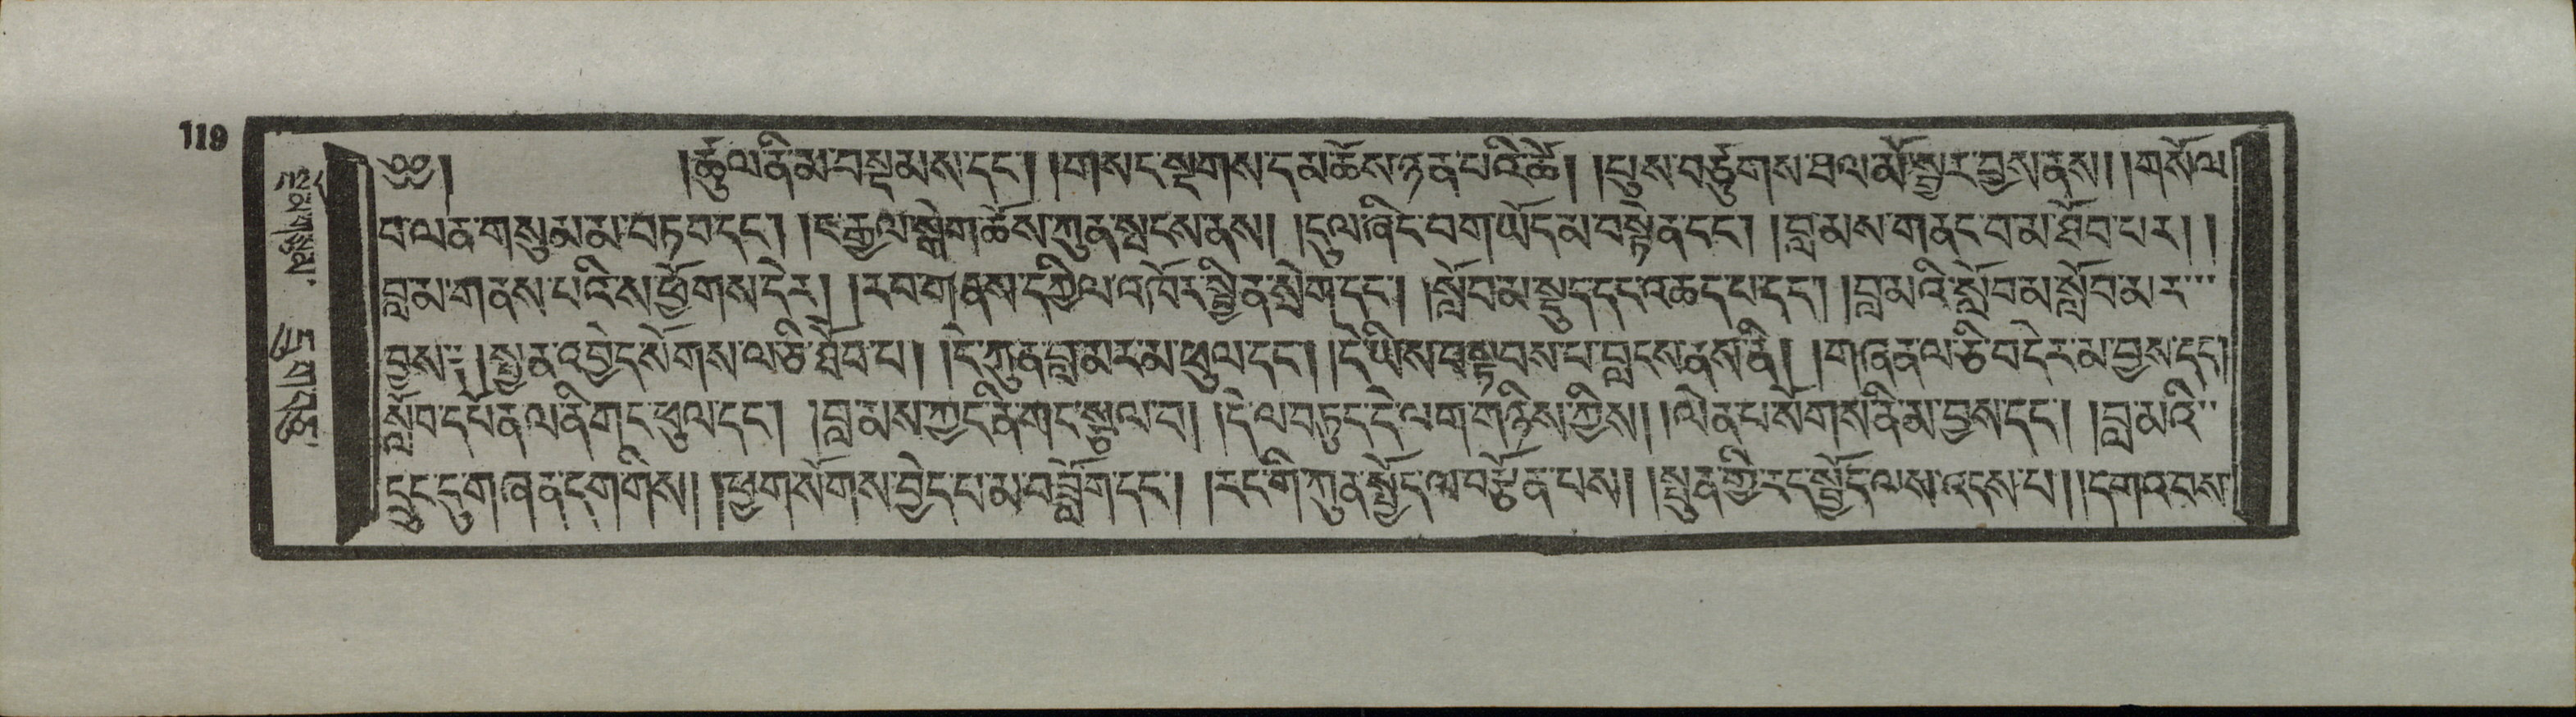༄༅། །ཚུལ་ནི་མ་བསྡམས་དང་། །གསང་སྔགས་དམ་ཆོས་ཉན་པའི་ཚེ། །པུས་བཙུགས་ཐལ་མོ་སྦྱར་བྱས་ནས། །གསོལ་
བ་ལན་གསུམ་མ་བཏབ་དང་། །ང་རྒྱལ་སྒེག་ཆོས་ཀུན་སྤངས་ནས། །དུལ་ཞིང་བག་ཡོད་མ་བསྟེན་དང་། །བླ་མས་གནང་བ་མཐོང་ཐོབ་པར།།
བླ་མ་གནས་པའི་ས་ཕྱོགས་དེར། །རབ་གནས་དཀྱིལ་འཁོར་སྦྱིན་སྲེག་དང་། །སློབ་མ་སྡུད་དང་འཆད་པ་དང་། །བླ་མའི་སློབ་མ་སློབ་མར་
བྱས༑ །སྤྱན་འབྱེད་སོགས་ལ་ཅི་ཐོབ་པ། །དེ་ཀུན་བླ་མར་མ་ཕུལ་དང་། །དེ་ཡིས་བསྟབས་པ་བླངས་ནས་ནི། །གཞན་ལ་ཅི་བདེར་མ་བྱས་དང།།
སློབ་དཔོན་ལ་ནི་གང་ཕུལ་དང་། །བླ་མས་ཀྱང་ནི་གང་སྩལ་བ། །དེ་ལ་བཏུད་དེ་ལག་གཉིས་ཀྱིས། །ལེན་པ་སོགས་ནི་མ་བྱས་དང་། །བླ་མའི་
དྲུང་དུ་གཞན་དག་གིས། །ཕྱག་སོགས་བྱེད་པ་མ་བཟློག་དང་། །རང་གི་ཀུན་སྤྱོད་ལ་བརྩོན་པས། །སྤུན་གྱི་རང་སྤྱོད་ལས་འདས་པ། །དགའ་བས་